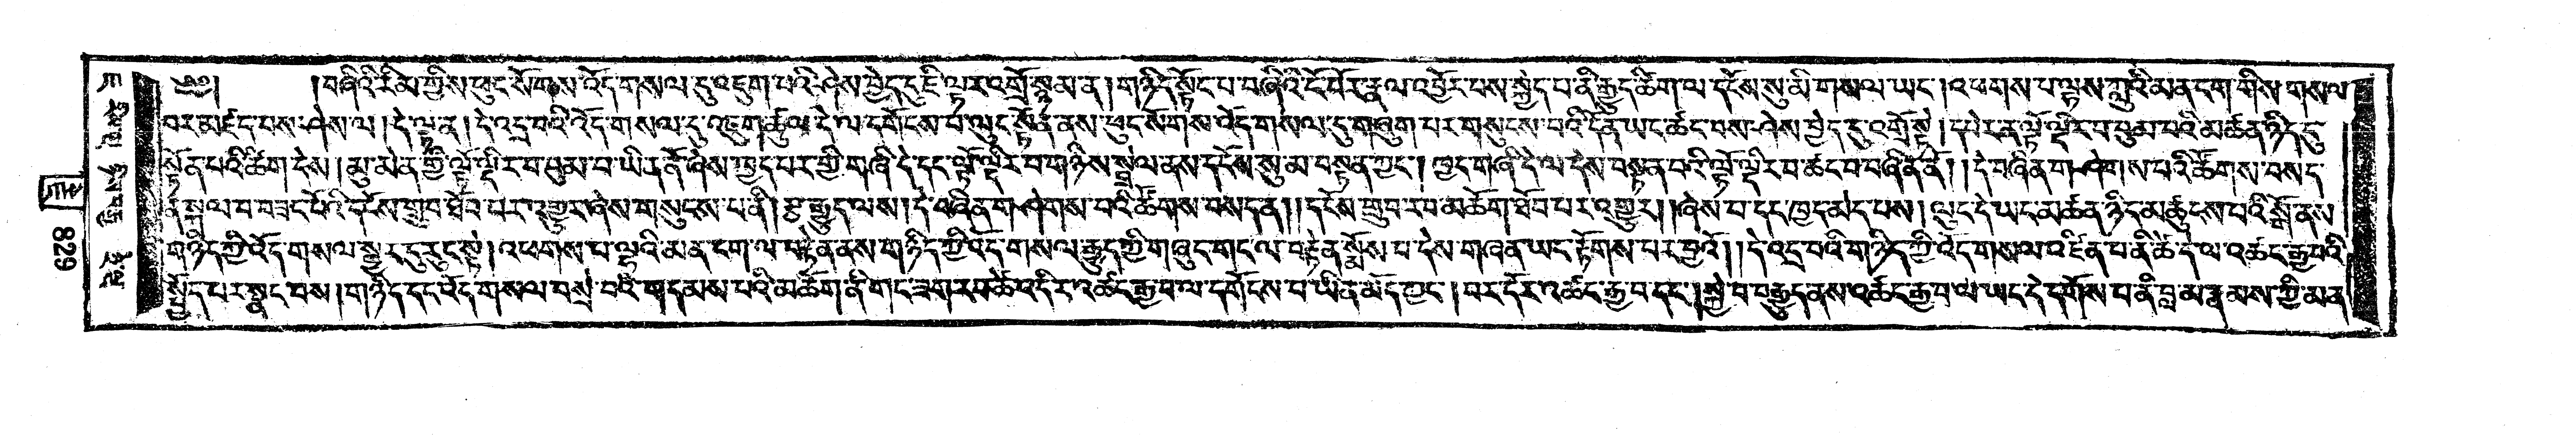༄༅། །བཞིའི་རིམ་གྱིས་ཕུང་སོགས་འོད་གསལ་དུ་འཇུག་པའི་ཤེས་བྱེད་དུ་ཇི་ལྟར་འགྲ་སྙམ་ན། གཉིད་སྟོང་པ་བཞིའི་ངོ་བོར་རྣལ་འབྱོར་པས་སྐྱེད་པ་ནི་རྒྱུད་ཚིག་ལ་དངོས་སུ་མི་གསལ་ཡང་། འཕགས་པ་ལྷས་ཀླུའི་མན་ངག་གིས་གསལ་
བར་མཛད་པས་ཤེས་ལ། དེ་ལྟ་ན། དེ་འདྲ་བའི་འོད་གསལ་དུ་འཇུག་ཚུལ་དེ་ལ་དགོངས་པ་ལུང་སྟོན་ནས་ཕུང་སོགས་འོད་གསལ་དུ་གཞུག་པར་གསུངས་པའི་དོན་ཡང་ཚང་བས་ཤེས་བྱེད་དུ་འགྲོ་སྟེ། དཔེར་ན་ལྟོ་ལྡིར་བ་བུམ་པའི་མཚན་ཉིད་དུ་
སྟོན་པའི་ཚིག་དེས། མུ་མེན་གྱི་ལྟོ་ལྡིར་བ་བུམ་པ་ཡིན་ནོ་ཞེས་ཁྱད་པར་གྱི་གཞི་དེ་དང་ལྟོ་ལྡིར་བ་གཉིས་སྦྲེལ་ནས་དངོས་སུ་མ་བསྟན་ཀྱང་། ཁྱད་གཞི་དེ་ལ་དེས་བསྟན་པའི་ལྟོ་ལྡིར་བ་ནྮིན་ནོ། །དེ་ནྮིན་གཤེགས་པའི་ཚོགས་བསད་
ན་སྐལ་བ་བཟང་པོའི་དངོས་གྲུབ་ཐོབ་པར་འགྱུར་ཞེས་གསུངས་པ་ནི། །རྩ་རྒྱུད་ལས། དེ་བཞིན་གཤེགས་པའི་ཚོགས་བསད་ན། །དངོས་གྲུབ་རབ་མཆོག་ཐོབ་པར་འགྱུར། །ཞེས་པ་དང་ཁྱད་མེད་པས། །ལུང་དེ་ཡང་མཚན་ཉིད་མཚུངས་པའི་སྒོ་ནས་
གཉིད་ཀྱི་འོད་གསལ་སྦྱར་དུ་རུང་སྟེ། འཕགས་པ་ལྷའི་མན་ངག་ལ་བརྟེན་ནས་གཉིད་ཀྱི་འོད་གསལ་རྒྱུད་ཀྱི་གཞུང་གང་ལ་བརྟེན་སྨོས་པ་དེས་གཞན་ཡང་རྟོགས་པར་བྱའོ། །དེ་འདྲ་བའི་གཉིད་ཀྱི་འོད་གསལ་འཛིན་པ་ནི་ཚེ་དེ་ལ་འཚང་རྒྱ་བའི་
སྤྱོད་པར་སྣང་བས། གཉིད་དང་འོད་གསལ་བསྲེ་བའི་གདམས་པའི་མཆོག་ནི་གང་ཟག་རབ་ཚེ་འདིར་འཚང་རྒྱ་བ་ལ་དགོངས་པ་ཡིན་མོད་ཀྱང་། བར་དོར་འཚང་རྒྱ་བ་དང་། སྐྱེ་བ་བརྒྱུད་ནས་འཚང་རྒྱ་བ་ལ་ཡང་དེ་དགོས་པ་ནི་བླ་མ་རྣམས་ཀྱི་མན་